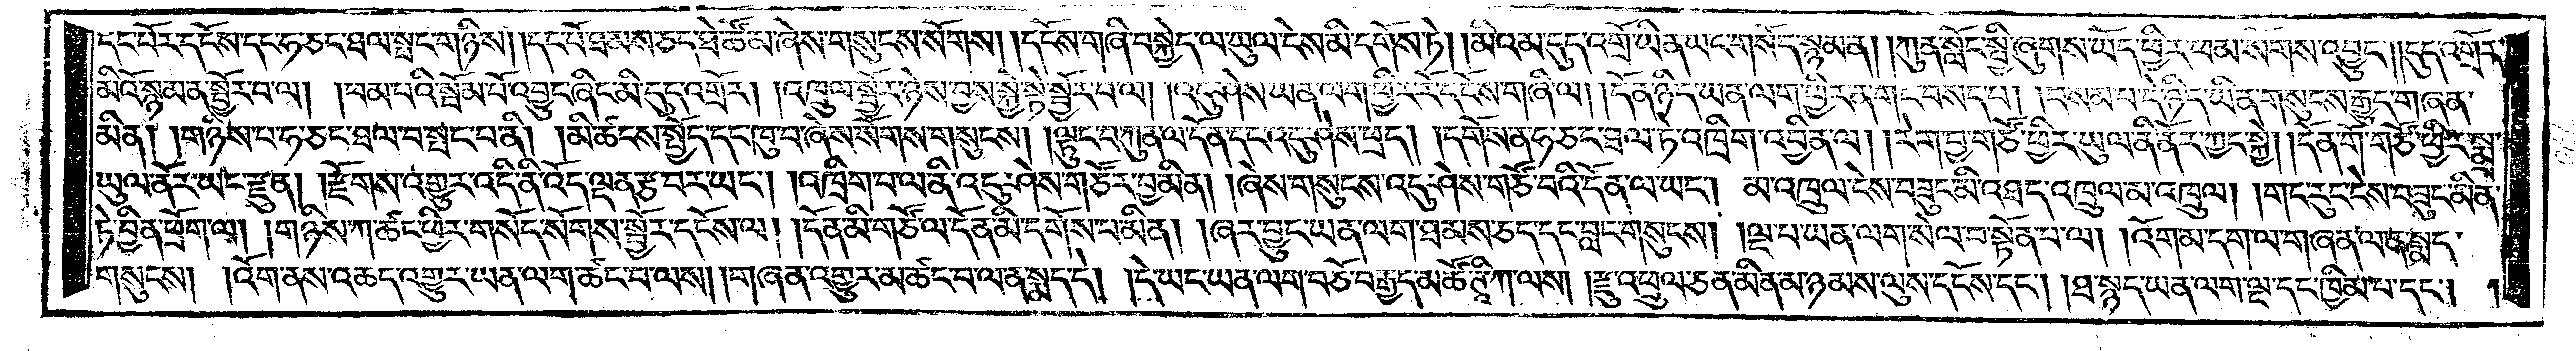དང་པོར་དངོས་དང་ཧ་ཅང་ཐལ་སྤང་གཉིས། །དང་པོ་ཐམས་ཅད་ཐེ་ཚོམ་ཞེས་གསུངས་སོགས། །དངོས་གཞི་བསྐྱེད་ལ་ཡུལ་ངེས་མི་དགོས་ཏེ། །མིའམ་དུད་འགྲོ་ཡིན་ཡང་གསོད་སྙམ་ན། །ཀུན་སློར་སྤྱི་ཞུགས་ཡོད་ཕྱིར་ཕམ་སོགས་འབྱུང་། །དུད་འགྲོར་
མིའོ་སྙམ་ན་སྦྱོར་བ་ལ། །ཕམ་པའི་སྦོམ་པོ་འབྱུང་ཞིང་མི་དུད་འགྲོར། །འཁྲུལ་སྦྱོར་ཉེས་བྱས་སྐྱེ་སྟེ་སྦྱོར་བ་ལ། །འདུ་ཤེས་ཡན་ལག་ཕྱིར་རོ་དངོས་གཞི་ལ། །དོན་ཉིད་ཡན་ལག་ཕྱིར་ན་གང་བསད་པ། །བསམ་པ་དེ་ཉིད་ཡིན་གསུངས་རྒྱུད་གཞན་
མིན། །གཉིས་པ་ཧ་ཅང་ཐལ་བ་སྤང་པ་ནི། །མི་ཚངས་སྤྱོད་དང་ཁུ་བ་ཞེས་སོགས་གསུངས། །ལྟུང་བ་ཀུན་ལ་དོན་དང་འདུ་ཤེས་ཕྲད། །དགོས་ན་ཧ་ཅང་ཐལ་ཏེ་འཁྲིག་འབྱིན་ལ། །རེག་བྱ་གཙོ་ཕྱིར་ཡུལ་ནི་ནོར་ཀྱང་སྐྱེ། །དོན་གོ་གཙོ་ཕྱིར་སྨྲ་
ཡུལ་ནོར་ཡང་རྫུན། །རྫོགས་འགྱུར་འདི་ནི་འོད་སྔན་རྩ་བར་ཡང་། །འཁྲིག་པ་ལ་ནི་འདུ་ཤེས་གཙོར་བྱ་མིན། །ཞེས་གསུངས་འདུ་ཤེས་གཙོ་བའི་དོན་ལ་ཡང་། མ་འཁྲུལ་ངེས་བཟུང་མི་འཐད་འཁྲུལ་མ་འཁྲུལ། །གང་རུང་ངེས་བཟུང་མིན་
ཏེ་བྱིན་ཕྲོག་ལ། །གཉིས་ཀ་ཚང་ཕྱིར་གསོད་སོགས་སྦྱོར་དངོས་ལ། །དོན་མི་གཙོ་ལ་དོན་མི་དགོས་པ་མིན། །ཞར་བྱུང་ཡན་ལག་ཐམས་ཅད་དང་བླང་གསུངས། །ལྔ་པ་ཡན་ལག་སེལ་བ་སྟོན་པ་ལ། །འོག་མ་དག་ལ་གཞན་ལ་ན་སྨད་
གསུངས། །འོག་ནས་འཆད་འགྱུར་ཡན་ལག་ཚང་བ་ལས། །གཞན་འགྱུར་མ་ཚང་བ་ལན་སྨད་དེ། །དེ་ཡང་ཡན་ལག་བཅོ་བརྒྱད་མཚོ་ཊཱིཀ་ལས། །རྫུ་འཕྲུལ་ཅན་མིན་མ་ཉམས་ལུས་དངོས་དང་། །ཐ་སྙད་ཡན་ལག་ལྔ་དང་ཁྱིམ་པ་དང་།